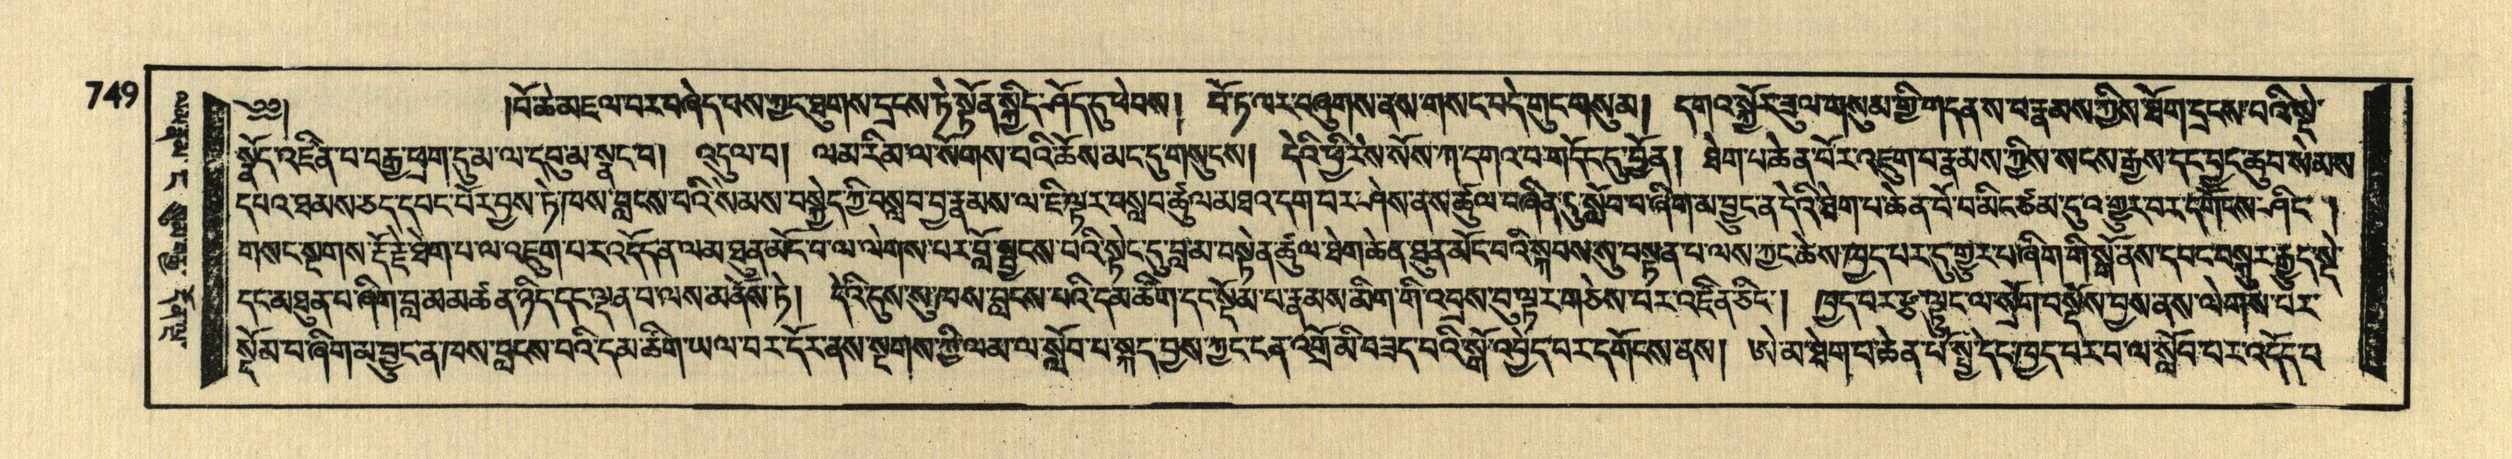༄༅། །བོ་ཆེ་མཇལ་བར་བཞེད་པས་ཀྱང་ཐུགས་དྲངས་ཏེ་སྟོན་སྐྱིད་ཤོད་དུ་ཕེབས། བོ་ཏ་ལར་བཞུགས་ནས་གསང་བདེ་གུང་གསུམ། དགའ་སྐྱོར་ཟུལ་གསུམ་གྱི་གདན་ས་བ་རྣམས་ཀྱིས་ཐོག་དྲངས་པའི་སྡེ་
སྣོད་འཛིན་པ་བརྒྱ་ཕྲག་དུ་མ་ལ་དབུ་མ་སྣང་བ། འདུལ་བ། ལམ་རིམ་ལ་སོགས་པའི་ཆོས་མང་དུ་གསུངས། དེའི་ཕྱི་རེས་སོས་ཀ་དགའ་བ་གདོང་དུ་བྱོན། ཐེག་པ་ཆེན་པོར་འཇུག་བ་རྣམས་ཀྱིས་སངས་རྒྱས་དང་བྱང་ཆུབ་སེམས་
དཔའ་ཐམས་ཅད་དབང་པོར་བྱས་ཏེ་ཁས་བླངས་པའི་སེམས་བསྐྱེད་ཀྱི་བསླབ་བྱ་རྣམས་ལ་ཇི་ལྟར་བསླབ་ཚུལ་མཐའ་དག་བར་ཤེས་ནས་ཚུལ་བཞིན་དུ་སློབ་བ་ཞིག་མ་བྱུང་ན་དེའི་ཐེག་པ་ཆེན་པོ་བ་མིང་ཙམ་དུ་འགྱུར་བར་དགོངས་ཤིང་།
གསང་སྔགས་རྡོ་རྗེ་ཐེག་པ་ལ་འཇུག་པར་འདོད་ན་ལམ་མཐུན་མོང་པ་ལ་ལེགས་པར་བློ་སྦྱངས་པའི་སྟེང་དུ་བླ་མ་བསྟེན་ཚུལ་ཐེག་ཆེན་ཐུན་མོང་བའི་སྐབས་སུ་བསྟན་པ་ལས་ཀྱང་ཆེས་ཁྱད་པར་དུ་གྱུར་པ་ཞིག་གི་སྒོ་ནས་དབང་བསྐུར་རྒྱུད་སྡེ་
དང་མཐུན་པ་ཞིག་བླ་མ་མཚན་ཉིད་དང་ལྡན་བ་ལས་མནོས་ཏེ། དེའི་དུས་སུ་ཁས་བླངས་པའི་དམ་ཚིག་དང་སྡོམ་པ་རྣམས་མིག་གི་འབྲས་བུ་ལྟར་གཅེས་བར་འཛིན་ཅིང་། ཁྱད་བར་རྩ་ལྟུང་ལ་སྲོག་བསྡོས་བྱས་ནས་ལེགས་པར་
སྡོམ་པ་ཞིག་མ་བྱུང་ན་ཁས་བླངས་པའི་དམ་ཚིག་ཡལ་བར་དོར་ནས་སྔགས་ཀྱི་ལམ་ལ་སློབ་པ་སྐད་བྱས་ཀྱང་ངན་འགྲོ་མི་བཟད་པའི་སྒོ་འབྱེད་བར་དགོང་ནས། ཨེ་མ་ཐེག་པ་ཆེན་པོ་སྤྱི་དང་ཁྱད་པར་བ་ལ་སློབ་པར་འདོད་པ་